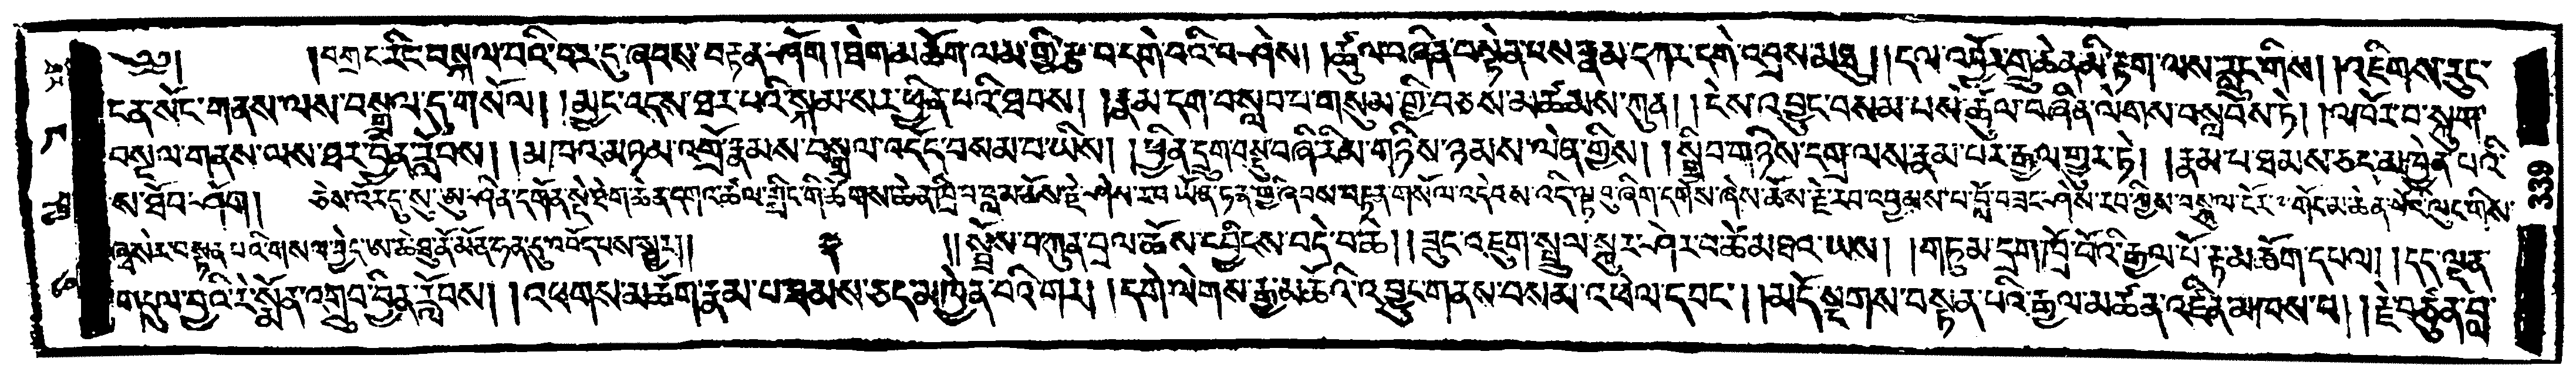༄༅། །བགྲང་རིང་བསྐལ་བའི་བར་དུ་ཞབས་བརྟན་ཤོག །ཐེག་མཆོག་ལམ་གྱི་རྩ་བ་དགེ་བའི་བཤེས། །ཚུལ་བཞིན་བསྟེན་པས་རྣམ་དཀར་དགེ་འབྲས་མཐུ། །དལ་འབྱོར་གྲུབ་ཆེན་མི་རྟག་ལས་རླུང་གིས། །འཇིགས་རུང་
ངན་སོང་གནས་ལས་བསྒྲལ་དུ་གསོལ། །མྱང་འདས་ཐར་པའི་སྐམ་སར་ཕྱིན་པའི་ཐབས། །རྣམ་དག་བསླབ་པ་གསུམ་གྱི་བཅས་མཚམས་ཀུན། །ངེས་འབྱུང་བསམ་པས་ཚུལ་བཞིན་ལེགས་བསླབས་ཏེ། །འཁོར་བ་སྐུག་
བསྔལ་གནས་ལས་ཐར་བྱིན་རློབས། །མཁའ་མཉམ་འགྲོ་རྣམས་བསྒྲལ་འདོད་བསམ་པ་ཡིས། །ཕྱིན་དྲུག་བསྡུ་བཞི་རིམ་གཉིས་ཉམས་ལེན་གྱིས། །སྒྲིབ་གཉིས་དགྲ་ལས་རྣམ་པར་རྒྱལ་གྱུར་ཏེ། །རྣམ་པ་ཐམས་ཅད་མཁྱེན་པའི་
ས་ཐོབ་ཤོག །ཅེས་འོར་དུ་སུ་ཨུ་ཤིན་དགོན་སྡེ་ཐེག་ཆེན་དགའ་ཚལ་གླིང་གི་ཚོགས་ཆེན་ཁྲི་པ་བླ་མ་ཆོས་རྗེ་ཤེས་རབ་ཡོན་ཏན་གྱི་ཞབས་བརྟན་གསོལ་འདེབས་འདི་ལྟ་བུ་ཞིག་དགོས་ཞེས་ཆོས་རྗེ་རབ་འབྱམས་པ་བློ་བཟང་ཤེས་རབ་ཀྱིས་བསྐུལ་ངོར ༧་གོང་མ་ཆེན་པོའི་ལུང་གིས་
ཞྭ་སེར་བསྟན་པའི་གསལ་བྱེད་ཨ་ཆེ་ཐུ་ནོ་མོན་ཧན་དུ་འབོད་པས་སྦྱར།། ༈ །།སྤྲོས་པ་ཀུན་བྲལ་ཆོས་དབྱིངས་བདེ་བ་ཆེ། །ཟུང་འཇུག་སྐུར་ཤེས་བ་ཚེ་མཐའ་ཡས། །གཏུམ་དྲག་ཁྲོ་བོའི་རྒྱལ་པོ་རྟ་མཆོག་དཔལ། །དད་ལྡན་
གདུལ་བྱའི་རེ་སྨོན་འགྲུབ་བྱིན་རློབས། །འཕགས་མཆོག་རྣམ་པ་ཐམས་ཅད་མཁྱེན་པའི་གར། །དགེ་ལེགས་རྒྱ་མཚོའི་འབྱུང་གནས་བསམ་འཕེལ་དབང་། །མདོ་སྔགས་བསྟན་པའི་རྒྱལ་མཚན་འཛིན་མཁས་པ། །རྗེ་བཙུན་བླ་